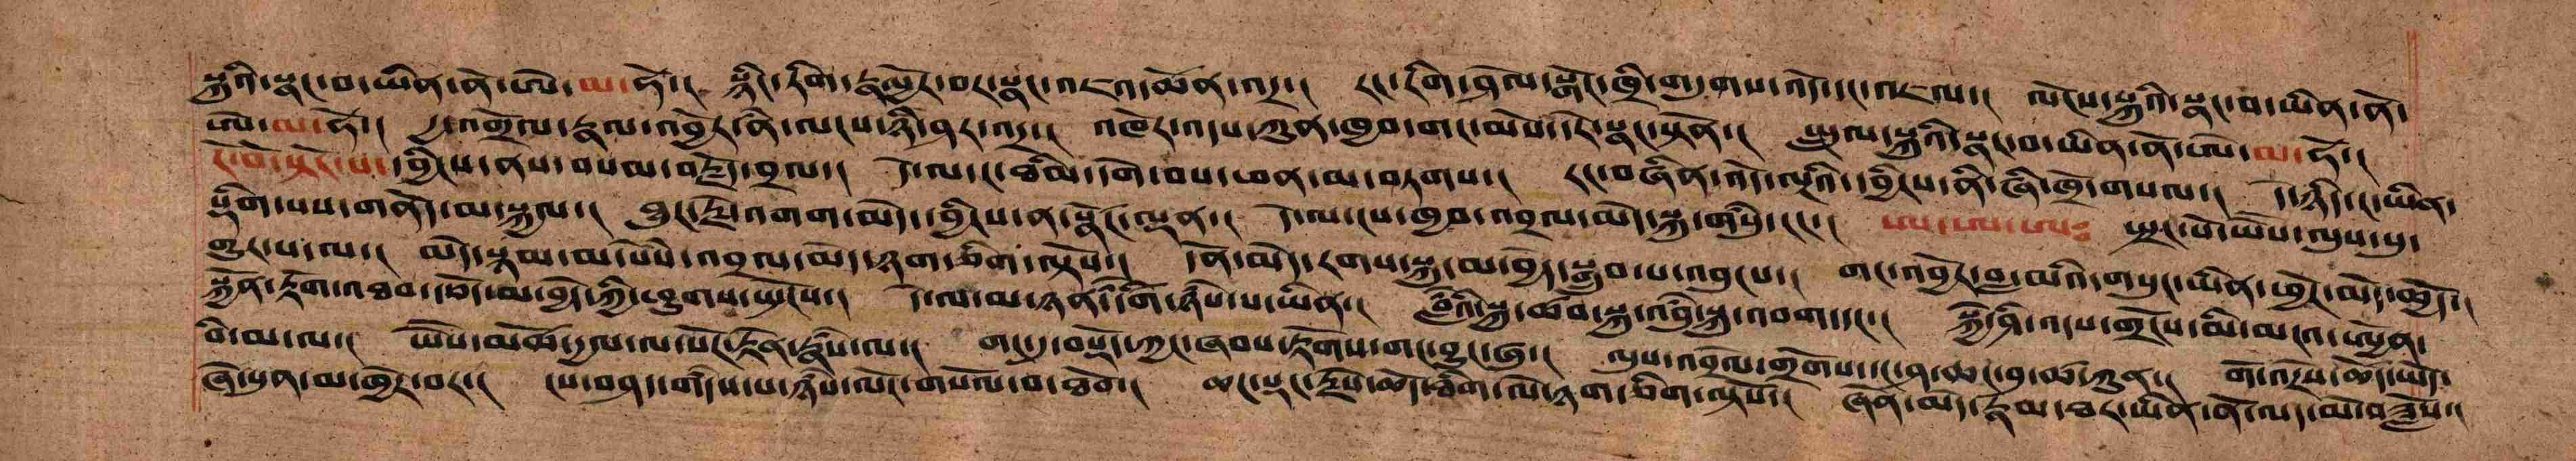སྐུའི་སྣང་བ་ཡིན་ནེ་ཨེ་མ་ཧོ། སྙིང་ཏིག་རྣལ་འབྱོར་བར་སྣང་འཇའ་ཚོན་འདྲ། རང་རིག་ཤེལ་སྒོང་ཁྲི་གདུགས་འོད་དང་འཇལ། ལོངས་སྐུའི་སྣང་བ་ཡིན་ནོ་
ཨེ་མ་ཧོ། རྒྱ་འགྲོལ་རྣལ་འབྱོར་ནམ་ལངས་ཉི་ཤར་འདྲ་། འཁོར་འདས་ཀུན་ཁྱབ་གང་མོས་དེར་སྣང་སྟོན། སྤྲུལ་སྐུའི་སྣང་བ་ཡིན་ནོ་ཨེ་མ་ཧོ་། 
ངོ་བོ་སྟོང་པ་དབྱིངས་ནས་བསམ་བརྗོད་བྲལ། དེ་ལ་ང་ཐིམ་དགེ་བས་ཕན་མ་བཏགས། རང་བཞིན་འོད་ལྔའི་དབྱིངས་ནི་ཞི་ཁྲོ་གསལ། དེ་ཉིད་ང་ཡིན་
སྡིག་པས་གནོད་མ་སྐྱལ། ཐུགས་རྗེ་འགག་མེད་དབྱིངས་ན་སྣ་ཚོགས་ལྡན། དེ་ལ་ངས་ཁྱབ་འབྲལ་མེད་སྐུ་གསུམ་ངང་། ཨ་ཨ་ཨཱཿ སྤྲང་པོ་ཡེ་ཤེས་ལུས་སུ་
གྱུར་པ་ལ། མེད་སྙམ་མ་སེམས་འབྲལ་མེད་ཉག་ཅིག་ལྟོས། དོན་མེད་རགས་སྐུ་མ་བྱེད་སྒྲུབ་པ་འབུངས་། གང་འབྱོར་བླ་མའི་གསུང་ཡིན་ཕྱོགས་མེད་ཆྱོད་། 
སྐྱོན་རྟོག་འཐབ་རྩོད་མ་བྱེད་ཀྱི་ཕྱུགས་སྤོངས་། དེ་ལ་མ་ཉན་དམ་ཚིག་ཉམས་པ་ཡིན། བླཾའི་སྐུ་ཚབ་སྐུ་འབུམ་སྐུ་འབག་དང་། སྐྱེ་ཤི་འདས་གྲོངས་མི་མངའ་ཨྱོན་
བི་མ་ལ། ཡེ་ཤེས་མཚོ་རྒྱལ་ལ་སོགས་རྟེན་རྣམས་ལ། གང་དུ་བསྡོད་ཀྱང་ཞབས་རྟོགས་གང་བྱུང་ཞུ། ལུས་འབྲེལ་གྲོགས་དང་ཤ་ཆང་བུ་ཚ་ཀུན། གོ་འདྲེས་ཚོད་ཡོད་
ཞེ་སུན་མ་ཁྱེར་བར་། ངས་བཤད་གདམས་པ་ཉམས་ལོང་གསོལ་བ་ཐོབ། ཆགས་སྡང་རྗེས་ཆོད་ཐིག་ལེ་ཉག་ཅིག་ལྟོས་། ཞེན་མེད་རྣམ་ཐར་ཡིན་ནོ་ལད་མོ་བཟློས་།